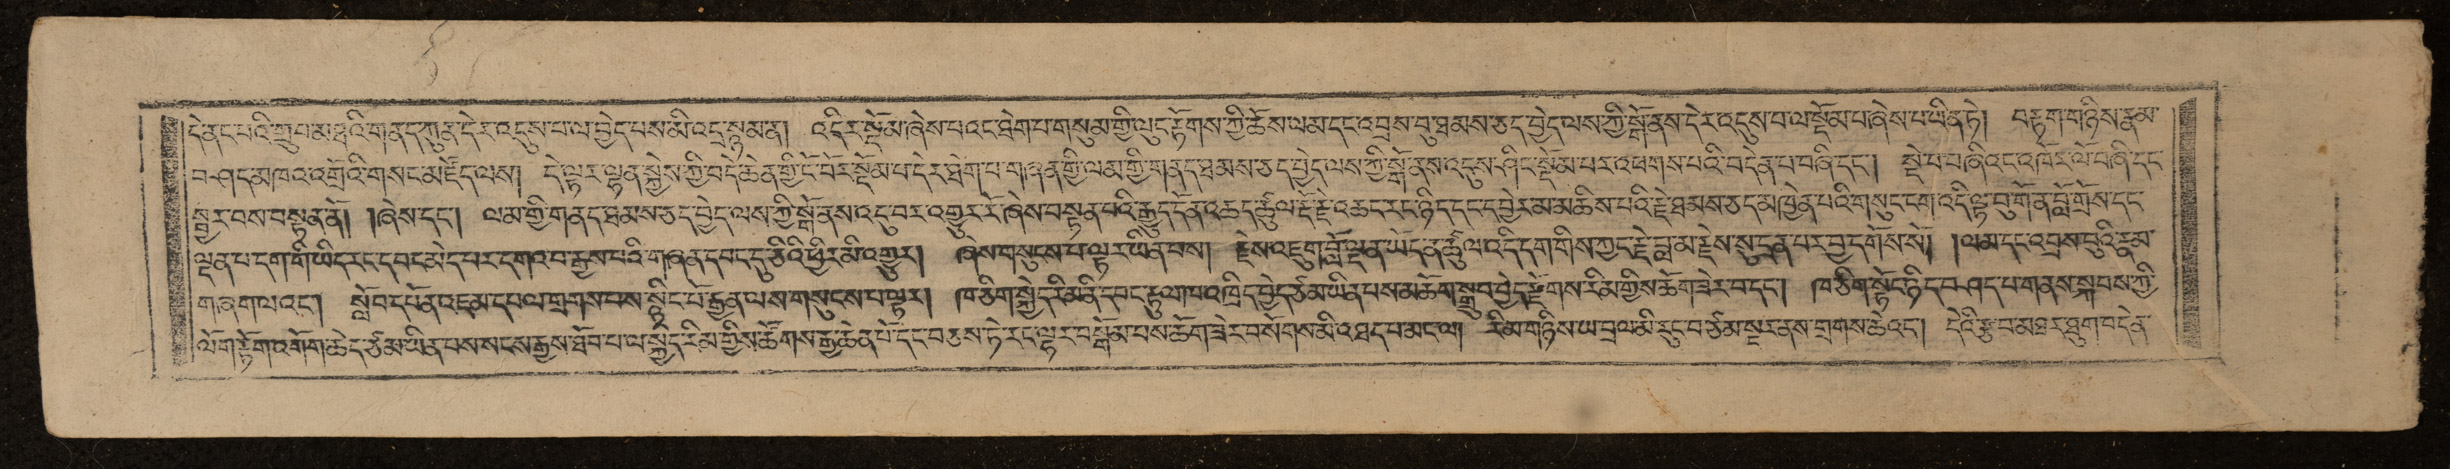དེ་ནང་པའི་གྲུབ་མཐའི་གནད་ཀུན་དེར་འདུས་པ་ལ་བྱེད་པས་མི་འདྲ་སྙམ་ན། འདིར་སྡོམ་ཞེས་པའང་ཐེག་པ་གསུམ་གྱི་ལུང་རྟོགས་ཀྱི་ཆོས་ལམ་དང་འབྲས་བུ་ཐམས་ཅད་བྱེད་ལས་ཀྱི་སྒོ་ནས་དེར་འདུས་པ་ལ་སྡོམ་པ་ཞེས་པ་ཡིན་ཏེ། བརྟག་གཏིས་རྣམ་
བཤད་མཁའ་འགྲོའི་གསང་མཛོད་ལས། དེ་ལྟར་ལྷན་སྐྱེས་ཀྱི་བདེ་ཆེན་གྱི་ངོ་བོར་སྡོམ་པ་དེར་ཐེག་པ་གཞན་གྱི་ལམ་གྱི་གནད་ཐམས་ཅད་བྱེད་ལས་ཀྱི་སྒོ་ནས་འདུས་ཤིང་སྡོམ་པར་འཕགས་པའི་བདེན་པ་བཞི་དང་། སྡེ་པ་བཞིའང་འཁོར་ལོ་བཞི་དང་
སྦྱར་བས་བསྟན་ནོ། །ཞེས་དང་། ལམ་གྱི་གནད་ཐམས་ཅད་བྱེད་ལས་ཀྱི་སྒོ་ནས་འདུ་བར་འགྱུར་རོ་ཞེས་བསྟན་པའི་རྒྱུད་དོན་འཆང་ཚུལ་རྡོ་རྗེ་འཆད་རང་ཉིད་དང་དབྱེར་མ་མཆིས་པའི་རྗེ་ཐམས་ཅད་མཁྱེན་པའི་གསུང་ངག་འདི་ལྟ་བུ་གོན་བློ་གྲོས་དང་
ལྡན་པ་དག་གི་ཡིད་རང་དབང་མེད་པར་དགའ་བ་རྒྱས་པའི་གཞན་དབང་དུ་ཅིའི་ཕྱིར་མི་འགྱུར། ཞེས་གསུངས་པ་ལྟར་ཡིན་པས། རྗེས་འཇུག་བློ་ལྡན་ཡོད་ན་ཚུལ་འདི་དག་གིས་ཀྱང་རྗེ་བླ་མ་རྗེས་སུ་དྲན་པར་བྱ་དགོས་སོ། །ལམ་དང་འབྲས་བུའི་རྣམ་
གཞག་ལའང་། སློབ་དཔོན་འཇམ་དཔལ་གྲགས་པས་སྙིང་པོ་རྒྱན་ལས་གསུངས་པ་ལྟར། ཁ་ཅིག་བསྐྱེད་རིམ་ནི་དབང་རྟུལ་ཁ་འཁྲིད་བྱེད་ཙམ་ཡིན་པས་མཆོག་སྒྲུབ་བྱེད་རྫོགས་རིམ་གྱིས་ཆོག་ཟེར་བ་དང་། ཁ་ཅིག་སྟོང་ཉིད་བཤད་པ་གནས་སྐབས་ཀྱི་
ལོག་རྟོག་འགོག་ཆེད་ཙམ་ཡིན་པས་སངས་རྒྱས་ཐོབ་པ་ལ་བསྐྱེད་རིམ་གྱིས་ཚོགས་རྒྱ་ཆེན་པོ་དང་བཅས་ཏེ་རང་ལྷར་བསྒོམ་པས་ཆོག་ཟེར་བ་སོགས་མི་འཐད་པ་མངལ། རིམ་གཉིས་ལ་བྲལ་མི་རུང་བ་ཙམ་སྔར་ནས་གྲགས་ཆེའང་། དེའི་རྩ་བ་མཐར་ཐུག་བདེན་